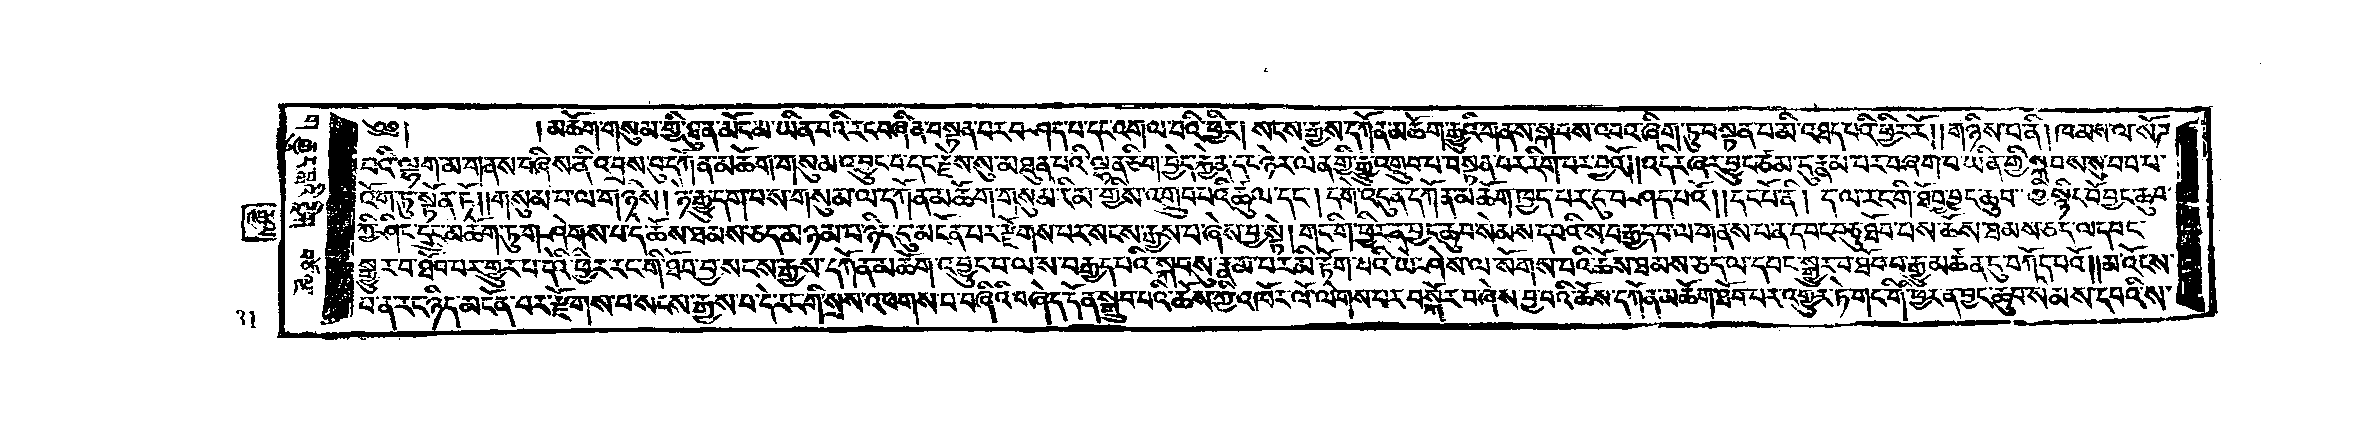༄༅། །མཆོག་གསུམ་གྱི་ཐུན་མོང་མ་ཡིན་པའི་རང་བཞིན་བསྟན་པར་བཤད་པ་དང་འགལ་བའི་ཕྱིར། སངས་རྒྱས་དཀོན་མཆོག་རྒྱུའི་གནས་སྐབས་འབའ་ཞིག་ཏུ་བསྟན་པ་མི་འཐད་པའི་ཕྱིར་རོ། །གཉིས་པ་ནི། ཁམས་ལ་སོགས་
པའི་ལྷག་མ་གནས་བཞིས་ནི་འབྲས་བུ་དཀོན་མཆོག་གསུམ་འབྱུང་བ་དང་རྗེས་སུ་མཐུན་པའི་ལྷན་ཅིག་བྱེད་རྐྱེན་དང་ཉེར་ལེན་གྱི་རྒྱུ་འགྲུབ་པ་བསྟན་པར་རིག་པར་བྱའོ། །འདིར་ཞར་བྱུང་ཙམ་དུ་རྣམ་པར་བཞག་པ་ཡིན་གྱི་སྐབས་སུ་བབ་པ་
འོག་ཏུ་སྟོན་ཏོ། །གསུམ་པ་ལ་གཉིས། ཉེ་རྒྱུ་དག་པས་གསུམ་ལ་དཀོན་མཆོག་གསུམ་རིམ་གྱིས་འགྲུབ་པའི་ཚུལ་དང་། དགེ་འདུན་དཀོན་མཆོག་ཁྱད་པར་དུ་བཤད་པའོ། །དང་པོ་ནི། དེ་ལ་རང་གི་ཐོབས་བྱང་ཆུབ་ཀྱི་སྙིང་པོ་བྱང་ཆུབ་
ཀྱི་ཤིང་དྲུང་མཆོག་ཏུ་གཤེགས་པ་དེ་ཆོས་ཐམས་ཅད་མཉམ་པ་ཉིད་དུ་མངོན་པར་རྫོགས་པར་སངས་རྒྱས་པ་ཞེས་བྱ་སྟེ། གང་གི་ཕྱིར་ན་བྱང་ཆུབ་སེམས་དཔའི་ས་བརྒྱད་པ་ལ་གནས་པ་ན་དབང་བཅུ་ཐོབ་པས་ཆོས་ཐམས་ཅད་ལ་དབང་
སྒྱུར་བ་ཐོབ་པར་གྱུར་པ་དེའི་ཕྱིར་རང་གི་ཐོབ་བྱ་སངས་རྒྱས་དཀོན་མཆོག་འབྱུང་བ་ལས་བརྒྱད་པའི་སྐབས་སུ་རྣམ་པར་མི་རྟོག་པའི་ཡེ་ཤེས་ལ་སོགས་པའི་ཆོས་ཐམས་ཅད་ལ་དབང་སྒྱུར་བ་ཐོབ་པ་རྒྱུ་མཚན་དུ་བཀོད་པའོ། །མ་འོངས་
པ་ན་རང་ཉིད་མངོན་པར་རྫོགས་པ་སངས་རྒྱས་པ་དེ་རང་གི་སྲས་འཕགས་པ་བཞིའི་བཞེད་དོན་སྒྲུབ་པའི་ཆོས་ཀྱི་འཁོར་ལོ་ལེགས་པར་བསྐོར་བ་ཞེས་བྱ་བའི་ཆོས་དཀོན་མཆོག་ཐོབ་པར་འགྱུར་ཏེ་གང་གི་ཕྱིར་ན་བྱང་ཆུབ་སེམས་དཔའི་ས་